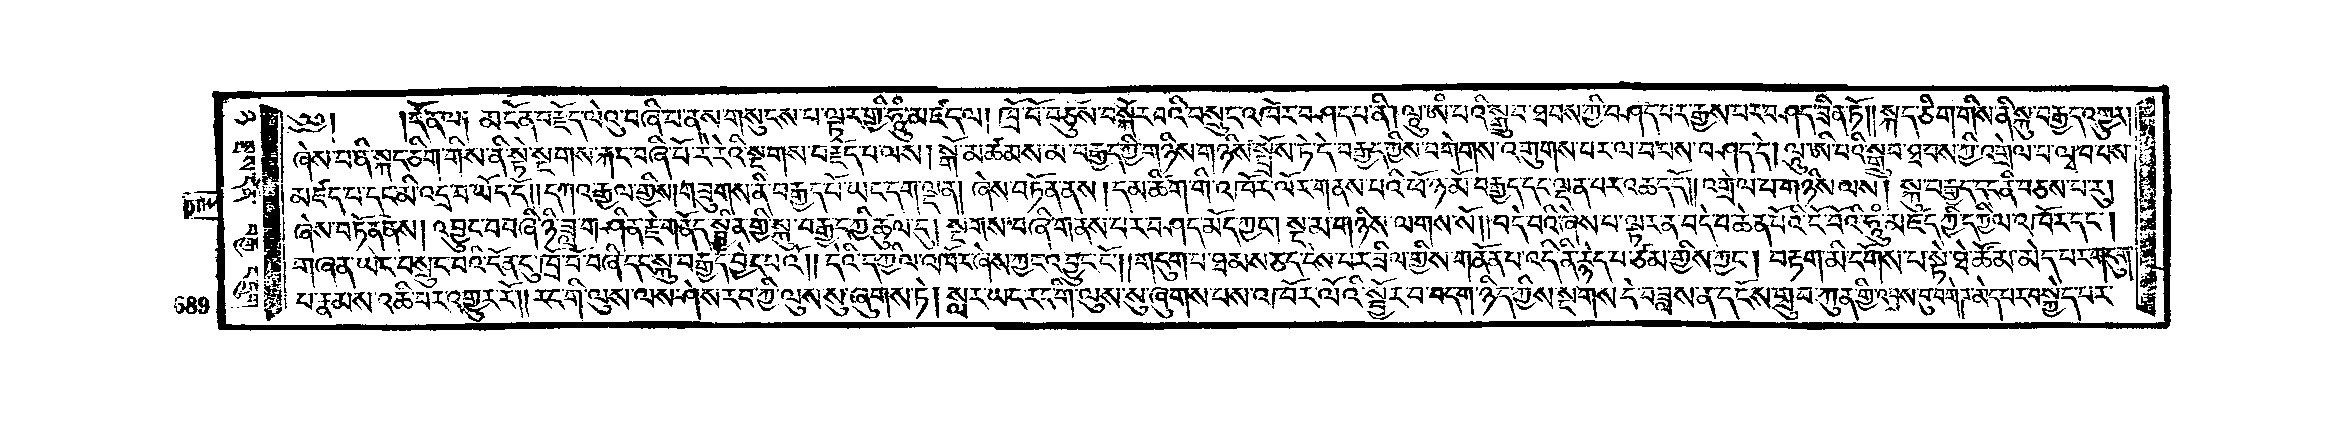༄༅། །དོན་ལ། མངོན་བརྗོད་ལེའུ་བཞི་པ་ནས་གསུངས་པ་ལྟར་གྱི་ཧཱུཾ་མཛད་ལ། ཁྲོ་བོ་བཅུས་བསྐོར་བའི་བསྲུང་འཁོར་བཤད་པ་ནི། ལཱུ་ཨི་པའི་སྒྲུབ་ཐབས་ཀྱི་བཤད་པར་རྒྱས་པར་བཤད་ཟིན་ཏོ། །སྐད་ཅིག་གིས་ནི་སྐུ་བརྒྱད་འགྱུར།
ཞེས་པ་ནི་སྐད་ཅིག་གིས་ནི་སྟེ་སྔགས་རྐང་བཞི་པོ་རེ་རེའི་སྔགས་བརྗོད་པ་ལས། སྒོ་མཚམས་མ་བརྒྱད་ཀྱི་གཉིས་གཉིས་སྤྲོས་ཏེ་དེ་བརྒྱད་ཀྱིས་བགེགས་འགུགས་པར་ལ་བ་པས་བཤད་དེ། ལཱུ་ཨི་པའི་སྒྲུབ་ཐབས་ཀྱི་འགྲེལ་པ་ལྭ་བ་པས་
མཛད་པ་དང་མི་འདྲ་བ་ཡོད་དོ། །དཀའ་རྒྱལ་གྱིས། གཟུགས་ནི་བརྒྱད་པོ་ཡང་དག་ལྡན། ཞེས་བཏོན་ནས། དམ་ཚིག་གི་འཁོར་ལོར་གནས་པའི་ཕོ་ཉ་མོ་བརྒྱད་དང་ལྡན་པར་འཆད་དོ། །འགྲེལ་པ་གཉིས་ལས། སྐུ་བརྒྱད་དང་ནི་བཅས་པ་རུ།
ཞེས་བཏོན་ནས། འབྱུང་བ་བཞི་ཉི་ཟླ་གཤིན་རྗེ་གནོད་སྦྱིན་གྱི་སྐུ་བརྒྱད་ཀྱི་ཚུལ་དུ། སྔགས་བཞི་གནས་པར་བཤད་མོད་ཀྱང་། སྔ་མ་གཉིས་ལགས་སོ། །བདེ་བའི་ཞེས་པ་ལྟར་ན་བདེ་བ་ཆེན་པོའི་ངོ་བོའི་ཧཱུཾ་མཛད་ཀྱི་དཀྱིལ་འཁོར་དང་།
གཞན་ཡང་བསྲུང་བའི་དོན་དུ་ཁྲོ་བོ་བཞི་དང་སྐུ་བརྒྱད་བྱེད་པའོ། །དེའི་དཀྱིལ་འཁོར་ཞེས་ཀྱང་འབྱུང་ངོ། །གདུག་པ་ཐམས་ཅད་ངེས་པར་ཟིལ་གྱིས་གནོན་པ་འདི་ནི་རྙེད་པ་ཙམ་གྱིས་ཀྱང་། བརྟག་མི་དོགས་པ་སྟེ་ཐེ་ཚོམ་མེད་པར་གདུག་
པ་རྣམས་འཆི་བར་འགྱུར་རོ། །རང་གི་ལུས་ལས་ཤེས་རབ་ཀྱི་ལུས་སུ་ཞུགས་ཏེ། སླར་ཡང་རང་གི་ལུས་སུ་ཞུགས་པས་འཁོར་ལོའི་སྦྱོར་བ་བདག་ཉིད་ཀྱིས་སྔགས་དེ་བཟླས་ན་དངོས་གྲུབ་ཀུན་གྱི་འབྲས་བུ་བགེགས་མེད་པར་བསྐྱེད་པར་